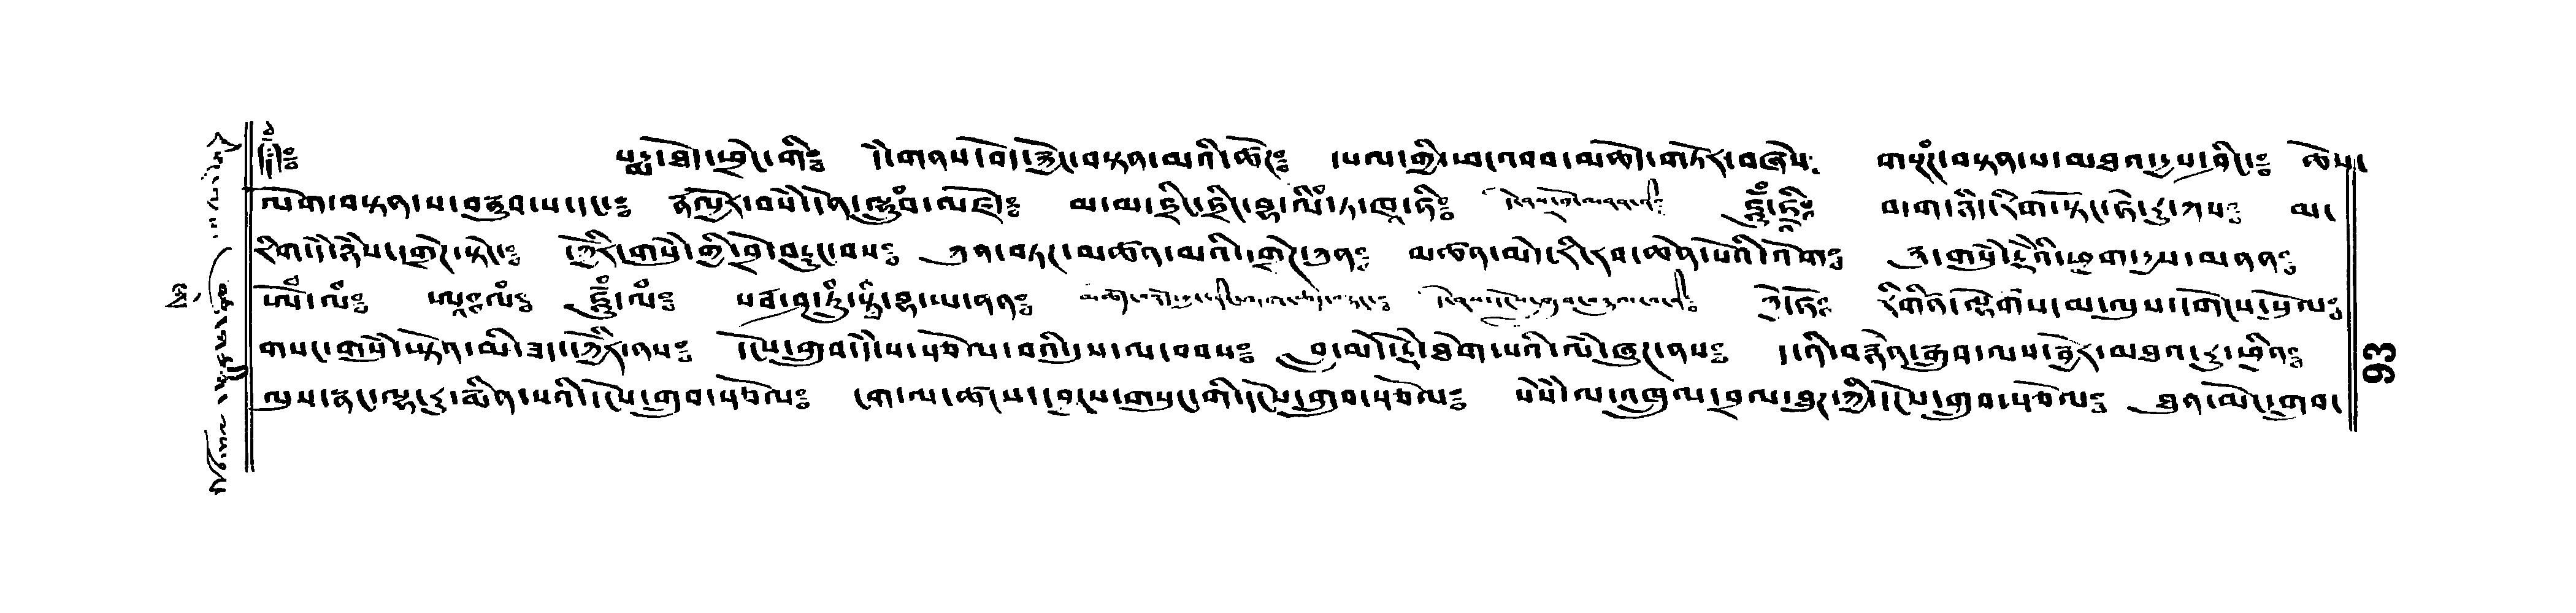པདྨ་ཐོད་ཕྲེང་གི༔ དམ་གནས་བོད་སྐྱོང་བསྟན་མའི་ཚོགས༔ དཔལ་གྱི་ཕམ་འབབ་མཆོད་གཏོར་བཞེས༔ གསང་སྔགས་བསྟན་པ་མཐའ་རྒྱས་ཤིང༔ ཆོས་
ལོག་བསྟན་པ་བསྣུབས་པ་དང༔ རྣལ་འབྱོར་བསམ་དོན་ལྷུན་གྲུབ་མཛོད༔ མ་མ་ཧྲིང་ཧྲིང་བྷ་ལིཾ་ཏ་ཁཱ་ཧིཿ དེ་ནས་བྲོ་མནན་ནི༔ ཧཱུྃ་ཧྲཱིཿ བདག་ཉིད་རིག་སྟོང་ཧེ་རུ་ཀས༔ མ་
རིག་དམ་ཉམས་དགྲ་བགེགས་སྟེང༔ དཀྱིལ་འཁོར་གསུམ་གྱི་བྲོ་བརྡུང་བས༔ ཀུན་བཏགས་མཚན་མའི་དགྲ་བགེགས་ཀུན༔ མཚན་མེད་རི་རབ་ཆེན་པོའི་འོག༔ སྐུ་གསུམ་རྡོ་རྗེའི་ཕྱག་རྒྱས་མནན༔ 
ཨོཾ་ལཾ༔ ཨཱཿལཾ༔ ཧཱུྃ་ལཾ༔ སརྦ་ཤ་ཏྲུཾ་སྟྭཾ་བྷ་ཡ་ནན༔ མཆོད་བསྟོད་བྱ་ཞིང་ལྷག་ཆད་བསྐང༔ དེ་ནས་དངོས་གྲུབ་བསྐུལ་བ་ནི༔ ཀྱེ་ཧོཿ རིག་འཛིན་ལྷ་ཚོགས་མ་ལུས་དགོངས་སུ་གསོལ༔ 
གསང་གསུམ་ཡོན་ཏན་མི་ཟད་དཀྱིལ་འཁོར་ནས༔ དངོས་གྲུབ་དམ་པ་སྩོལ་བའི་དུས་ལ་བབས༔ བླ་མེད་རྡོ་རྗེ་ཐེག་པའི་ལམ་ཞུགས་ནས༔ ད་ནི་བསྙེན་སྒྲུབ་ལས་སྦྱོར་མཐའ་རུ་ཕྱིན༔ 
ལུས་སྣང་ལྷ་རུ་སྨིན་པའི་དངོས་གྲུབ་སྩོལ༔ ངག་ལ་ཚངས་དབྱངས་གསུང་གི་དངོས་གྲུབ་སྩོལ༔ སེམས་ལ་འཁྲུལ་བྲལ་ཐུགས་ཀྱི་དངོས་གྲུབ་སྩོལ༔ ཐུན་མོང་གྲུབ་